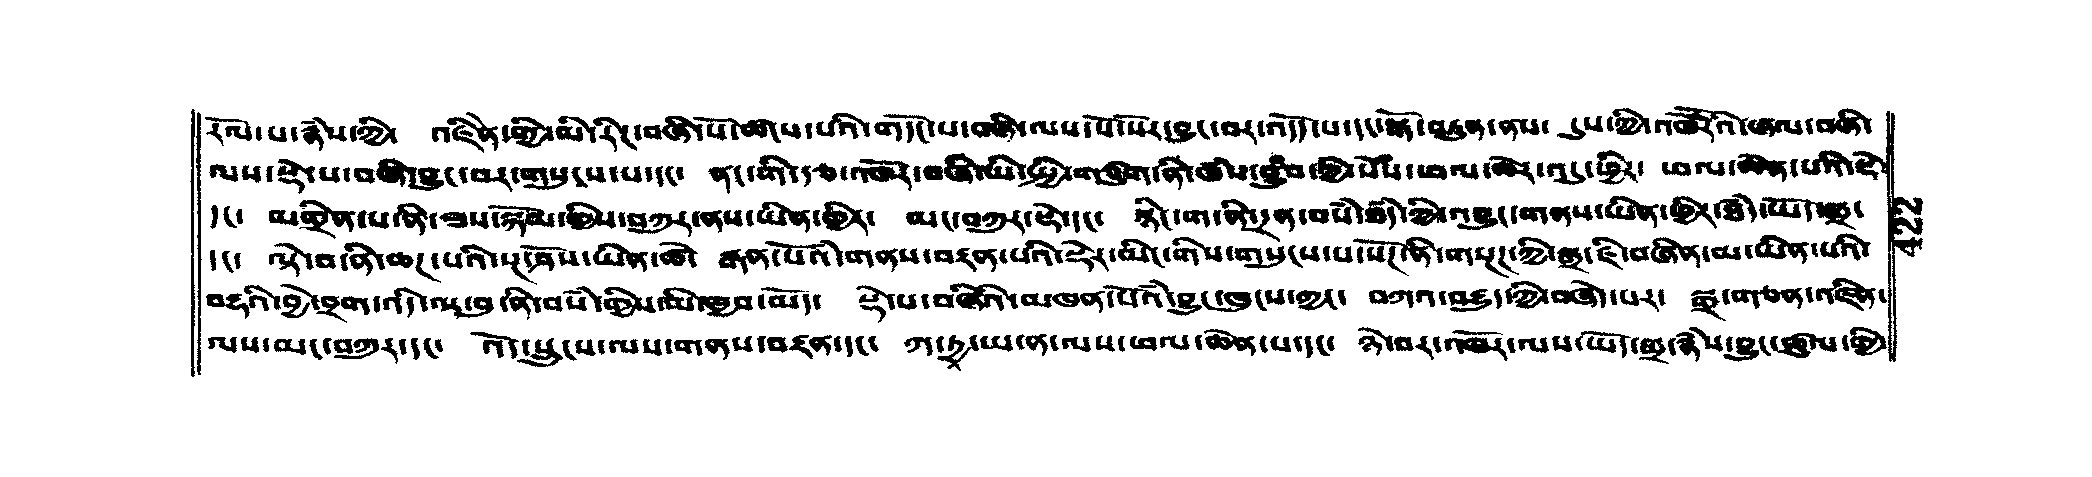རོལ་པ་རྣམས་ཀྱི། འཇིག་རྟེན་གྱི་མི་རིགས་བཞི་པོ་ཚངས་པའི་གདོང་པ་བཞི་ལས་སོ་སོར་བྱུང་བར་འདོད་པ་དང་སྒོ་བཏུན་ནས། དུས་ཀྱི་འཁོར་ལོའི་ཞལ་བཞི་
ལས་སྡེ་པ་བཞི་བྱུང་བར་གསུངས་པ་དང་། ནང་གི་རྩ་འཁོར་བཞི་ཡི་སྤྱི་གཙུག་ནི་ཁམས་བྱང་ཆུབ་ཀྱི་སེམས་ཕལ་ཆེར་འདུ་ཕྱིར། ཕལ་ཆེན་པའི་སྡེ་
དང་། མགྲིན་པ་ནི་ཟས་སྐོམ་གྱིས་བཀུར་ནས་ཡིན་ཕྱིར། མང་བཀུར་སྡེ་དང་། སྙིང་ག་ནི་དྲན་བསམ་ཐམས་ཅད་ཀྱི་འབྱུང་གནས་ཡིན་ཕྱིར་ཐམས་ཅད་ཡོད་སྨྲ་
དང་། ལྟེ་བ་ནི་ཆགས་པའི་སྔ་ཤོས་ཡིན་ཚེ། རྒན་པོའམ་གནས་བརྟན་པའི་སྡེར་མིང་གི་གསུངས་པ་སོགས་ནི་གསང་སྔགས་ཀྱི་སྒྲ་ཇི་བཞིན་མ་ཡིན་པའི་
བརྡའི་བྱེ་བྲག་འདི་ལྟ་བུ་ནི་བསམ་གྱི་མི་ཁྱབ་མོད། སྡེ་པ་བཞིའི་མཁན་པོའི་བྱུང་ཁུངས་ཀྱང་། བཀའ་བརྒྱུད་ཀྱི་བཞེད་པར། སྒྲ་གཅན་འཛིན་
ལས་མང་བཀུར་དང་། འོད་བསྲུངས་ལས་གནས་བརྟན་དང་། ཀ་ཏྱཱ་ཡ་ན་ལས་ཕལ་ཆེན་པ་དང་། ཉེ་བར་འཁོར་ལས་ཡོད་སྨྲ་རྣམས་བྱུང་ཚུལ་གྱི་